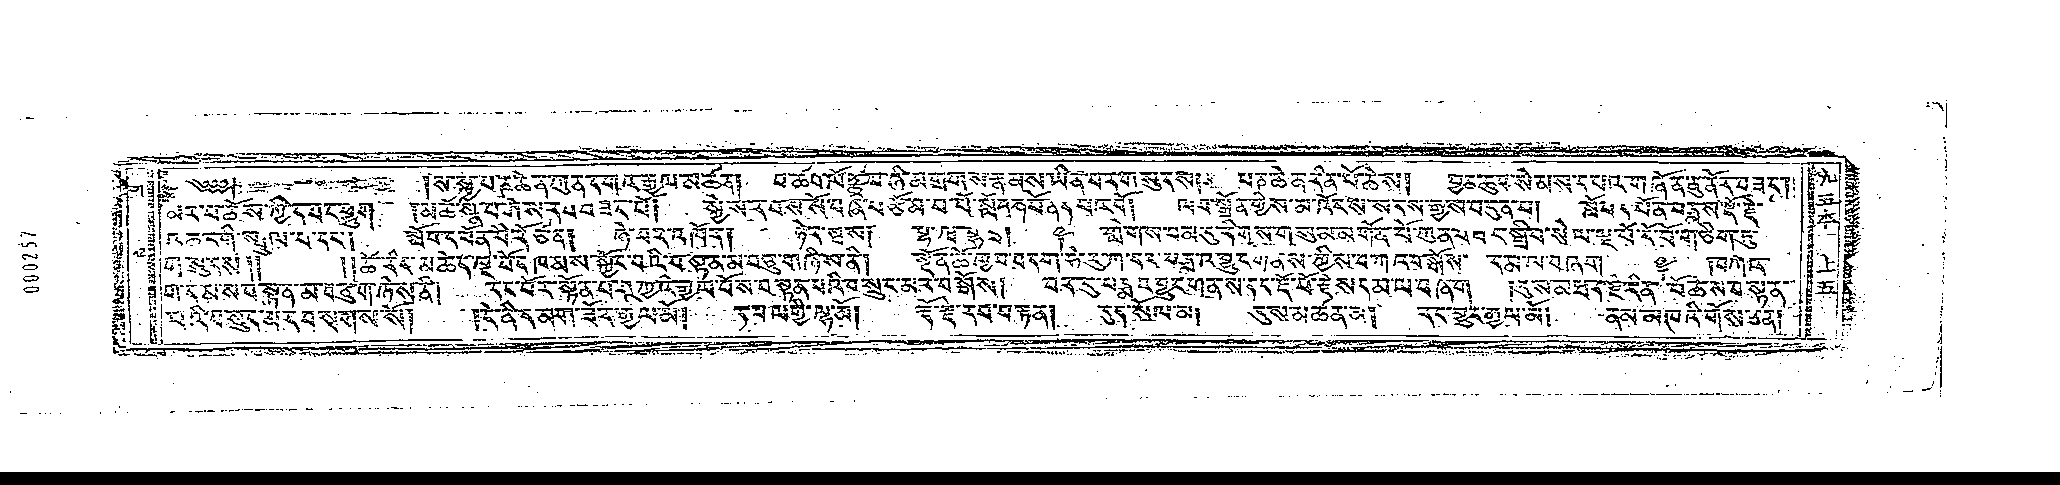༄༅། །གང་ཕན་འཕྲིན་ལས་ལྷུན་གྲུབ་པའི། །དགྲ་ལྟ་འཁོར་བཅས་གནས་འདིར་གཤེགས་སུ་གསོལ། །གཤེགས་ཤིང་བཞུགས་པའི་གནས་དང་མཆོད་གཏོར་སོགས། །ཤིན་དུ་དམན་
ཡང་ཉམ་ཐག་འགྲོ་བ་ལ། །ལྷག་པར་བརྩེ་བའི་ཐུགས་རྗེའི་བདག་ཉིད་ཁྱོད། །རྟེན་འདིར་དགྱེས་པའི་ཚུལ་གྱིས་བཞུགས་སུ་གསོལ། །ཨོཾ་དེ་བ་རཱ་ཛ་ས་པ་རི་ལྦཱ་ར་ཨེ་ཧྱེ་ཧི། །བཛྲ་ས་མ་ཡ་ཛཿ་ཛཿ
ཛཿ་ཧཱུཾ་བཾ་ཧོཿ་རྟེན་དང་གཉིས་སུ་མེད་པར་བཞུགས་པར་གྱུར། དེ་ནས་མཆོད་པ་འབུལ་བ་ནི། །དྲི་མེད་ཡིད་དུ་འོང་བ་ཡི། །ལྷ་རྫས་བཟང་པོའི་མཆོད་ཡོན་འདི། །དགྲ་ལྷ་འཁོར་དང་བཅས་ལ་འབུལ། །
བཞེས་ནས་དངོས་གྲུབ་སྩལ་དུ་གསོལ། །ཨོཾ་དེ་བ་རཱ་ཛ་ས་པ་རི་ལྦཱ་ར་ཨརྒྷཾ་བྲ་ཏཱིཙྪ་ཧཱུཾ་སྭཱཧཱ། དེ་བཞིན་དུ་མཆོད་ཡོན་གྱི་གནས་སུ་རིམ་བ་བཞིན། ཞབས་བསིལ། མེ་ཏོག །བདུག་སྤོས། སྣང་གསལ།
དྲི་མཆོག །ཞལ་ཟས། སིལ་སྙན་རྣམས་དང་། ཨརྒྷཾ་གྱི་གནས་སུ། བཱ་དྱཾ། པུཥྤེ། དྷཱུ་པེ། ཨ་ལོ་ཀེ །གན་དྷེ། ནཻ་ལྦི་དྱ། ཤབཏ་རྣམས་བཅུག་ཏེ་འབུལ། དེ་བཞིན་དུ། མཆོད་ཡོན་གྱི་གནས་སུ།
གཟུགས་མཆོག །སྒྲ་སྙན། དྲི་མཆོག །རོ་མཆོག །རེག་བྱ་དང་། ཨརྒྷཾ་གྱི་གནས་སུ། རཱུ་པ་སོགས་སྦྱར་ནས་འདོད་ཡོན་ལྔ་འབུལ། དྲི་མེད་ཡིད་དུ་འོང་བ་ཡི། །འཁོར་ལོ་རིན་ཆེན་སྣ་ཚོགས་པ། །